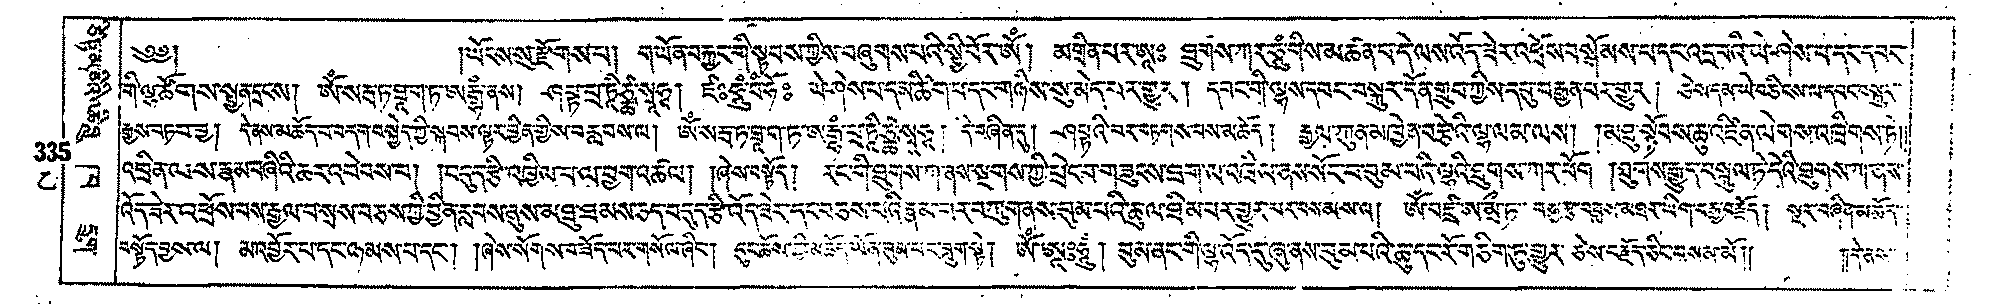༄༅། །ཡོངས་སུ་རྫོགས་པ། གཡོན་བརྐྱང་གི་སྟབས་ཀྱིས་བཞུགས་པའི་སྤྱི་བོར་ཨོཾ། མགྲིན་པར་ཨཱཿ ཐུགས་ཀར་ཧཱུཾ་གིས་མཚན་པ་དེ་ལས་འོད་ཟེར་འཕྲོས་བསྒོམས་པ་དང་འདྲ་བའི་ཡེ་ཤེས་པ་དང་དབང་
གི་ལྷ་ཚོགས་སྤྱན་དྲངས། ཨོཾ་སརྦ་ཏ་ཐཱ་ག་ཏ་ཨརྒྷཾ་ནས། ཤཔྟ་པྲ་ཏཱི་ཙྪ་སྭཱཧཱ། ཛཿ ཧཱུཾ་བཾ་ཧོཿ ཡེ་ཤེས་པ་དམ་ཚིག་པ་དང་གཉིས་སུ་མེད་པར་གྱུར། དབང་གི་ལྷས་དབང་བསྐུར་དོན་གྲུབ་ཀྱིས་དབུ་བརྒྱན་པར་གྱུར། ཅེས་དམ་ཡེ་བཅིངས་ལ་དབང་བསྐུར་་་
རྒྱས་བཏབ་བྱ། དེ་ནས་མཆོད་པ་བདག་བསྐྱེད་ཀྱི་སྐབས་ལྟར་བྱིན་གྱིས་བརླབས་ལ། ཨོཾ་སརྦ་ཏ་ཐཱ་ག་ཏ་ཨརྒྷཾ་པྲ་ཏཱི་ཙྪ་སྭཱཧཱ། དེ་བཞིན་དུ། ཤཔྟའི་བར་བཏགས་པས་མཆོད། རྒྱལ་ཀུན་མཁྱེན་བརྩེའི་ལྷ་ལམ་ལས། །མཐུ་སྟོབས་ཆུ་འཛིན་ལེགས་འཁྲིགས་ཏེ།།
འཕྲིན་ལས་རྣམ་བཞིའི་ཆར་འབེབས་པ། །བདུད་རྩི་འཁྱིལ་པ་ལ་ཕྱག་འཚལ། ། ཞེས་བསྟོད།  རང་གི་ཐུགས་ཀ་ནས་སྔགས་ཀྱི་ཕྲེང་བ་གཟུངས་ཐག་ལ་འཁྲིལ་ནས་སོང་བ་བུམ་པའི་ལྷའི་ཐུགས་ཀར་ཕོག །ཐུགས་རྒྱུད་བསྐུལ་ཏེ་དེའི་ཐུགས་ཀ་ནས་
འོད་ཟེར་འཕྲོས་པས་རྒྱལ་བ་སྲས་བཅས་ཀྱི་བྱིན་རླབས་ནུས་མཐུ་ཐམས་ཅད་བདུད་རྩི་འོད་ཟེར་དང་བཅས་པའི་རྣམ་པར་བཀུག་ནས་བུམ་པའི་ཆུ་ལ་ཐིམ་པར་གྱུར་པར་བསམས་ལ། ཨོཾ་བྫྲ་ཨ་མྲྀ་ཏ་་་བརྒྱ་རྩ་བཟླས་མཐར་ཡིག་བརྒྱ་བརྗོད། སྔར་བཞིན་མཆོད་་་
བསྟོད་བྱས་ལ། མ་འབྱོར་པ་དང་ཉམས་པ་དང་། ། ཞེས་སོགས་བཟོད་པར་གསོལ་ཞིང་། དུང་ཆོས་ཀྱི་མཆོད་ཡོན་བུམ་པར་བླུག་སྟེ། ཨོཾ་ཨཱཿ ཧཱུཾ། བུམ་ནང་གི་ལྷ་འོད་དུ་ཞུ་ནས་བུམ་པའི་ཆུ་དང་རོ་གཅིག་ཏུ་གྱུར་ཅེས་བརྗོད་ཅིང་བསམ་མོ།། །།དེ་ནས་་་